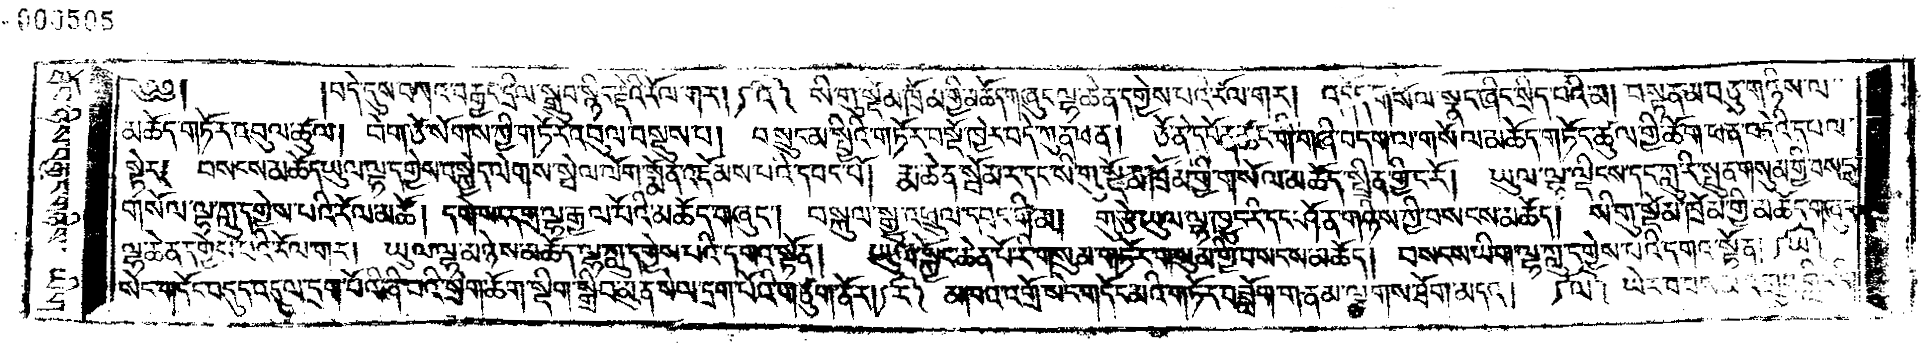༄༅། །བདེ་དུས་བཀའ་བརྒྱང་དྲིལ་སྒྲུབ་སྙིང་རྗེའི་རོལ་གར། ༼འ༽ སི་གུ་སྡོམ་ཁྲོམ་གྱི་མཆོད་གཞུང་ལྷ་ཆེན་དགྱེས་པའི་རོལ་གར། འདོད་གསོལ་སྣང་ཞིང་སྲིད་པའི་མ། བསྟན་མ་བཅུ་གཉིས་ལ་
མཆོད་གཏོར་འབུལ་ཚུལ། བེག་ཙེ་སོགས་ཀྱི་གཏོར་འབུལ་བསྡུས་པ། བསྲུང་མ་སྤྱིའི་གཏོར་བསྔོ་ཁྱེར་བདེ་ཀུན་ཕན། ཅོ་ནེ་དཔོན་ཚང་གི་གཞི་བདག་ལ་གསོལ་མཆོད་གཏོང་ཚུལ་གྱི་ཆོག་ཕན་བདེའི་དཔལ་
སྟེར༑ བསངས་མཆོད་ཡུལ་ལྷ་དགྱེས་བསྐྱེད་ལེགས་སྤེལ་ལོག་སྨོན་འཇོམས་པའི་དབང་པོ། རྨ་ཆེན་སྦོམ་ར་དང་སི་གུ་སྡོམ་ཁྲོམ་གྱི་གསོལ་མཆོད་སྤྲིན་གྱི་ང་རོ། ཡུལ་ལྷ་ལྡིངས་དང་ཀླུ་རི་སྤུན་གསུམ་གྱི་བསངས་
གསོལ་ལྷ་ཀླུ་དགྱེས་པའི་རོལ་མཚོ། དགེ་སར་དགྲ་ལྷ་རྒྱལ་པོའི་མཆོད་གཞུང་། བསྐུལ་སྒྱུ་འཕྲུལ་དབང་གི་མ། གུ་རྩེ་ཡུལ་ལྷ་ཁྱུང་རི་དང་ཤོ་ན་གཉིས་ཀྱི་བསངས་མཆོད། སི་གུ་སྡོམ་ཁྲོམ་གྱི་མཆོད་གཞུང་
ལྷ་ཆེན་དགྱེས་པའི་རོལ་གར། ཡུལ་ལྷ་མཉེས་མཆོད་ལྷ་ཀླུ་དགྱེས་པའི་དགའ་སྟོན། ཡུལ་སྐྱོང་ཆེན་པོ་རི་གསུམ་གཏོར་གསུམ་གྱི་བསངས་མཆོད། བསངས་ཡིག་ལྷ་ཀླུ་དགྱེས་པའི་དགའ་སྟོན། ༼ཡ༽
སེང་གདོང་བདུད་འདུལ་དྲག་པོའི་ཞི་བའི་སྲེག་ཆོག་སྡིག་སྒྲིབ་མུན་སེལ་དྲག་པོའི་གཙུག་ནོར། ༼ར༽ མཁའ་འགྲོ་སེང་གདོང་མའི་གཏོར་བཟློག་གནམ་ལྕགས་ཐོག་མདའ། ༼ལ༽ ཡེར་བ་བསམ་འགྲུབ་གླིང་གི་